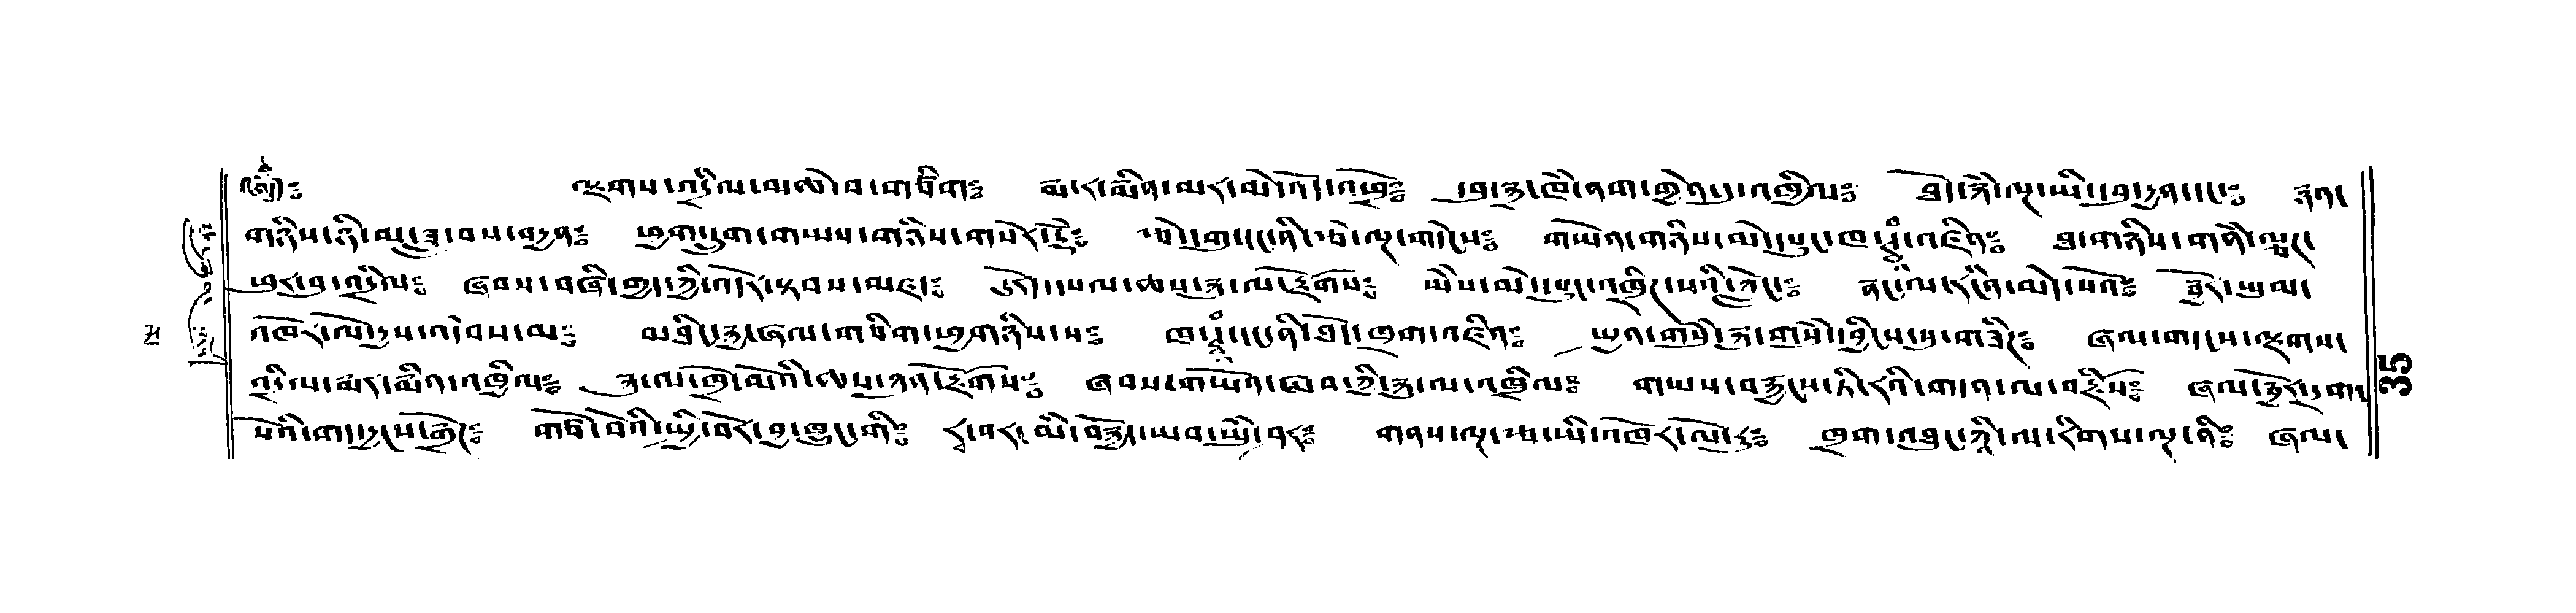ལྗགས་འདྲིལ་མཆེ་བ་གཙིག༔ སྨ་ར་སྨིན་མར་མེ་འོད་འཕྲོ༔ དབུ་སྐྲ་ཁམ་ནག་གྱེན་དུ་འཁྱིལ༔ ཐོད་སྐམ་ལྔ་ཡི་དབུ་རྒྱན་དང༔ སྙན་
གཉིས་ཉི་མ་ཟླ་བས་བརྒྱན༔ ཕྱག་དྲུག་གཡས་གཉིས་གསེར་རྡོ་རྗེ༔ རྩེ་དགུ་དང་ནི་རྩེ་ལྔ་གདེངས༔ གཡོན་གཉིས་མེ་དཔུང་ཁ་ཊྭཱཾ་འཛིན༔ ཐ་གཉིས་གནམ་ལྕགས་
ཕུར་བུ་འདྲེིལ༔ ཞབས་བཞི་གྱད་ཀྱི་འདོར་སྟབས་མཛད༔ དུར་ཁྲོད་དཔལ་ཆས་སྐུ་ལ་རྫོགས༔ ཡེ་ཤེས་མེ་དཔུང་འཁྲིགས་པའི་ཀློང༔ སྣང་ལ་རང་བཞིན་མེད་པའོ༔ སྦྱོར་ཡུམ་
འཁོར་ལོ་རྒྱས་འདེབས་མ༔ མཐིང་སྐྱ་ཞལ་གཅིག་ཕྱག་གཉིས་པ༔ ཁ་ཊྭཱཾ་དང་ནི་ཐོད་ཁྲག་འཛིན༔ སྤྱན་གསུམ་སྐུ་གསུམ་དབྱིངས་སུ་གཟིགས༔ ཞལ་གདངས་ལྗགས་
འདྲིལ་སྨར་སྨིན་འཁྱིལ༔ སྐུ་ལ་ཁྲོ་མོའི་ཆས་ཀུན་རྫོགས༔ ཞབས་གཡོན་ཡབ་ཀྱི་སྐུ་ལ་འཁྲིལ༔ གཡས་བརྐྱངས་ཏི་རའི་གདན་ལ་བརྫི༔ ཞལ་སྦྱོར་དྲག་
པོའི་གད་རྒྱངས་སྒྲོགས༔ གཙོ་བོའི་སྤྱི་བོར་བྱ་ཁྱུང་གི༔ རྭ་བར་མི་བསྐྱོད་ཡབ་ཡུམ་ཤར༔ གནས་ལྔ་རྩ་ཡི་འཁོར་ལོ་རུ༔ ཁྲག་འཐུང་ཀཱི་ལ་རིགས་ལྔ་ནི༔ ཞལ་